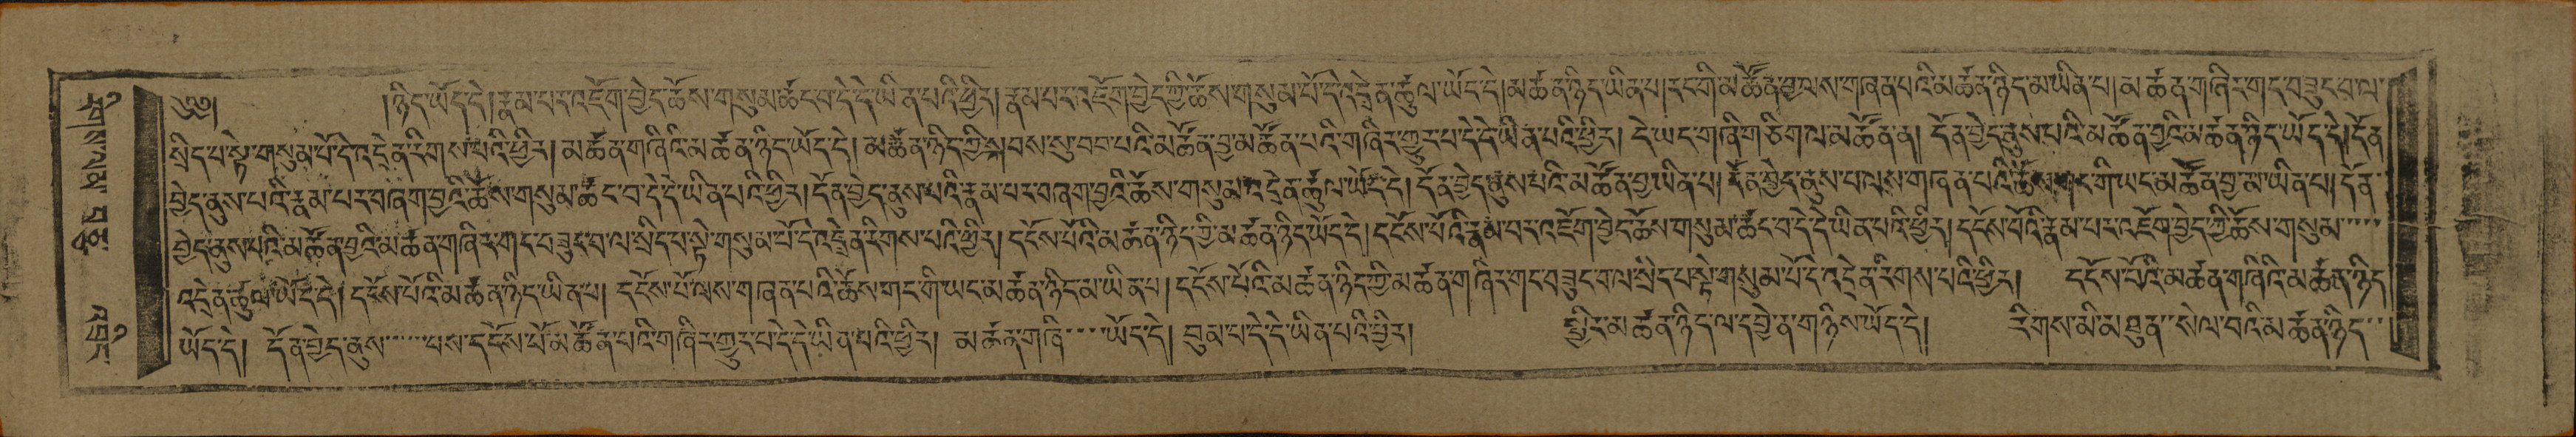༄༅། །ཉིད་ཡོད་དེ། རྣམ་པར་འཇོག་བྱེད་ཆོས་གསུམ་ཚང་བ་དེ་དེ་ཡིན་པའི་ཕྱིར། རྣམ་པར་འཇོག་བྱེད་ཀྱི་ཆོས་གུསམ་པོ་དེ་འདྲེན་ཚུལ་ཡོད་དེ། མཚན་ཉིད་ཡིན་པ། རང་གི་མཚོན་བྱ་ལས་གཞན་པའི་མཚན་ཉིད་མ་ཡིན་པ། མཚན་གཞིར་གང་བཟུང་བ་ལ་
སྲིད་པ་སྟེང་གསུམ་པོ་དེ་འདྲེན་རིགས་པའི་ཕྱིར། མཚན་གཞིའི་མཚན་ཉིད་ཡོད་དེ། མཚན་ཉིད་ཀྱི་སྐབས་སུ་བབ་པའི་མཚོན་བྱ་མཚོན་པའི་གཞིར་གྱུར་པ་དེ་དེ་ཡིན་པའི་ཕྱིར། དེ་ཡང་གཞི་གཅིག་ལ་མཚོན་ན། དོན་བྱེད་ནུས་པའི་མཚོན་བྱའི་མཚན་ཉིད་ཡོད་དེ། དོན་
བྱེད་ནུས་པའི་རྣམ་པར་བཞག་བྱའི་ཆོས་གསུམ་ཚང་བ་དེ་དེ་ཡིན་པའི་ཕྱིར། དོན་བྱེད་ནུས་པའི་རྣམ་པར་བཞག་བྱའི་ཆོས་གསུམ་འདྲེན་ཚུལ་ཡོད་དེ། དོན་བྱེད་ནུས་པའི་མཚོན་བྱ་ཡིན་པ། དོན་བྱེད་ནུས་པ་ལས་གཞན་པའི་ཆོས་གང་གི་ཡང་མཚོན་བྱ་མ་ཡིན་པ། དོན་
བྱེད་ནུས་པའི་མཚོན་བྱའི་མཚན་གཞིར་གང་བཟུང་བ་ལ་སྲིད་པ་སྟེ་གསུམ་པོ་དེ་འདྲེན་རིགས་པའི་ཕྱིར། དངོས་པོའི་མཚན་ཉིད་ཀྱི་མཚན་ཉིད་ཡོད་དེ། དངོས་པོའི་རྣམ་པར་འཇོག་བྱེད་ཆོས་གསུམ་ཚང་བ་དེ་དེ་ཡིན་པའི་ཕྱིར། དངོས་པོའི་རྣམ་པར་འཇོག་བྱེད་ཀྱི་ཆོས་གསུམ་
འདྲེན་ཚུལ་ཡོད་དེ། དངོས་པོའི་མཚན་ཉིད་ཡིན་པ། དངོས་པོ་ལས་གཞན་པའི་ཆོས་གང་གི་ཡང་མཚན་ཉིད་མ་ཡིན་པ། དངོས་པོའི་མཚན་ཉིད་ཀྱི་མཚན་གཞིར་གང་བཟུང་བ་ལ་སྲིད་པ་སྟེ་གསུམ་པོ་དེ་འདྲེན་རིགས་པའི་ཕྱིར། དངོས་པོའི་མཚན་གཞིའི་མཚན་ཉིད་
ཡོད་དེ། དོན་བྱེད་ནུས་པས་དངོས་པོ་མཚོན་པའི་གཞིར་གྱུར་པ་དེ་དེ་ཡིན་པའི་ཕྱིར། མཚན་གཞི་ཡོད་དེ། བུམ་པ་དེ་དེ་ཡིན་པའི་ཕྱིར། སྦྱིར་མཚན་ཉིད་ལ་དབྱེ་ན་གཉིས་ཡོད་དེ། རིགས་མི་མཐུན་?